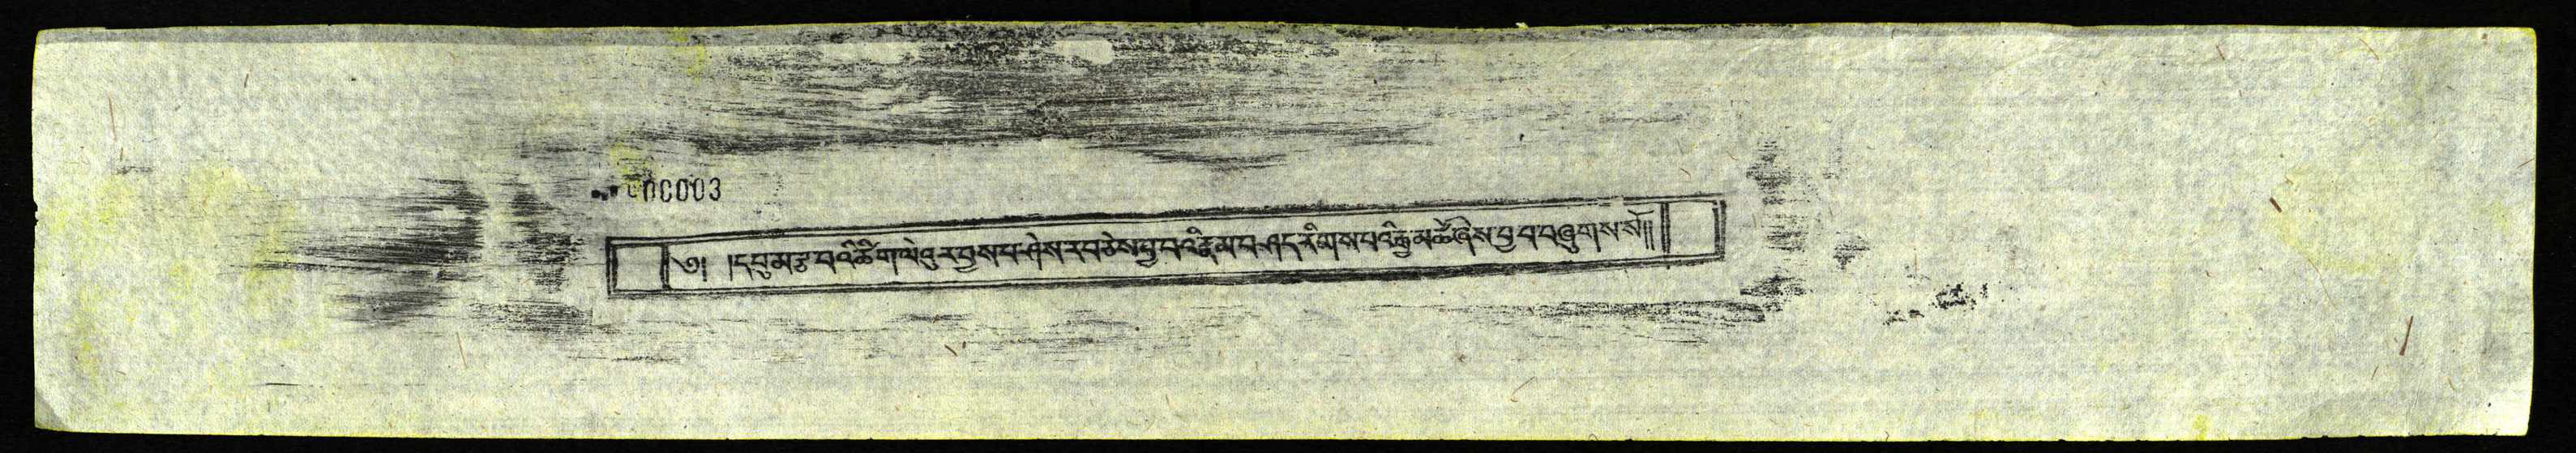༈། །དབུ་མ་རྩ་བའི་ཚིག་ལེའུར་བྱས་པ་ཤེས་རབ་ཅེས་བྱ་བའི་རྣམ་བཤད་རིགས་པའི་རྒྱ་མཚོ་ཞེས་བྱ་བ་བཞུགས་སོ།།